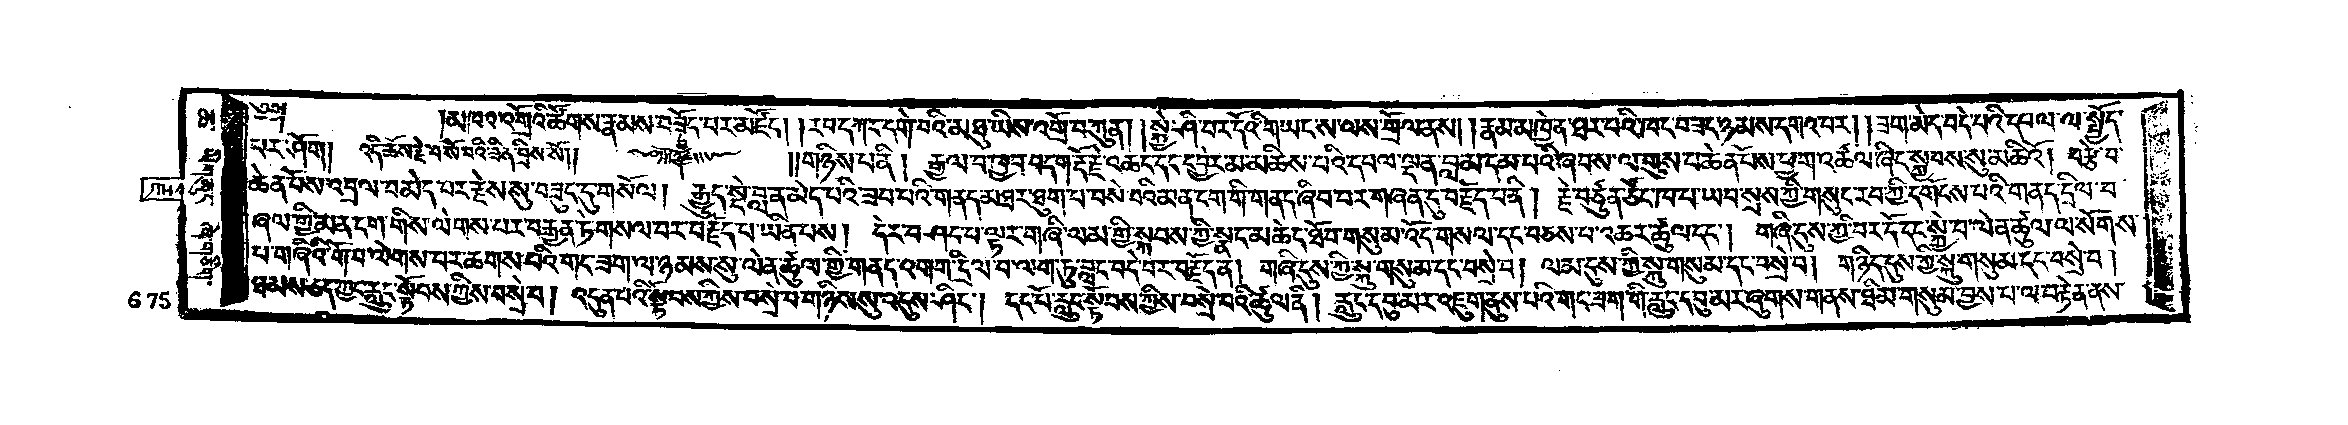༄༅། །མཁའ་འགྲོའི་ཚོགས་རྣམས་བཟོད་པར་མཛོད། །རབ་དཀར་དགེ་བའི་མཐུ་ཡིས་འགྲོ་བ་ཀུན། །སྐྱེ་ཤི་བར་དོའི་གཡང་ས་ལས་གྲོལ་ནས། །རྣམ་མཁྱེན་ཐར་པའི་ཁང་བཟང་ཉམས་དགའ་བར། །ཟག་མེད་བདེ་པའི་དཔལ་ལ་སྤྱོད་
པར་ཤོག ། འདི་ཆོས་རྗེ་བ་སོ་བའི་ཟིན་བྲིས་སོ།།  ༈ །།གཉིས་པ་ནི། རྒྱལ་བ་ཁྱབ་བདག་རྡོ་རྗེ་འཆང་དང་དབྱེར་མ་མཆིས་པའི་དཔལ་ལྡན་བླ་མ་དམ་པའི་ཞབས་ལ་གུས་པ་ཆེན་པོས་ཕྱག་འཚལ་ཞིང་སྐྱབས་སུ་མཆིའོ། བརྩེ་བ་
ཆེན་པོས་འབྲལ་བ་མེད་པར་རྗེས་སུ་བཟུང་དུ་གསོལ། རྒྱུད་སྡེ་བླ་ན་མེད་པའི་ཟབ་པའི་གནད་མཐར་ཐུག་པ་བསྲེ་བའི་མན་ངག་གི་གནད་ཞིབ་པར་གཞན་དུ་བརྗོད་པ་ནི། རྗེ་བཙུན་ཙོང་ཁ་པ་ཡབ་སྲས་ཀྱི་གསུང་རབ་ཀྱི་དགོངས་པའི་གནད་དྲིལ་བ་
ཞལ་གྱི་མན་ངག་གིས་ལེགས་པར་བརྒྱན་ཏེ་གསལ་བར་བརྗོད་པ་ཡིན་པས། དེར་བཤད་པ་ལྟར་གཞི་ལམ་གྱི་སྐབས་ཀྱི་སྣང་མཆེད་ཐོབ་གསུམ་འོད་གསལ་དང་བཅས་པ་འཆར་ཚུལ་དང་། གཞི་དུས་ཀྱི་བར་དོ་དང་སྐྱེ་བ་ལེན་ཚུལ་ལ་སོགས་
པ་གཞིའི་གོ་བ་ལེགས་པར་ཆགས་པའི་གང་ཟག་ལ་ཉམས་སུ་ལེན་ཚུལ་གྱི་གནད་འགག་དྲིལ་བ་ལག་ཏུ་བླང་བདེ་བར་བརྗོད་ན། གཞི་དུས་ཀྱི་སྐུ་གསུམ་དང་བསྲེ་བ། ལམ་དུས་ཀྱི་སྐུ་གསུམ་དང་བསྲེ་བ། གཉིང་དུས་ཀྱི་སྐུ་གསུམ་དང་བསྲེ་བ།
ཐམས་ཅད་ཀྱང་རླུང་སྟོབས་ཀྱིས་བསྲེ་བ། འདུན་པའི་སྟོབས་ཀྱིས་བསྲེ་བ་གཉིས་སུ་འདུས་ཤིང་། དང་པོ་རླུང་སྟོབས་ཀྱིས་བསྲེ་བའི་ཚུལ་ནི། རླུང་དབུ་མར་འཇུག་ནུས་པའི་གང་ཟག་གི་རླུང་དབུ་མར་ཞུགས་གནས་ཐིམ་གསུམ་བྱས་པ་ལ་བརྟེན་ནས་